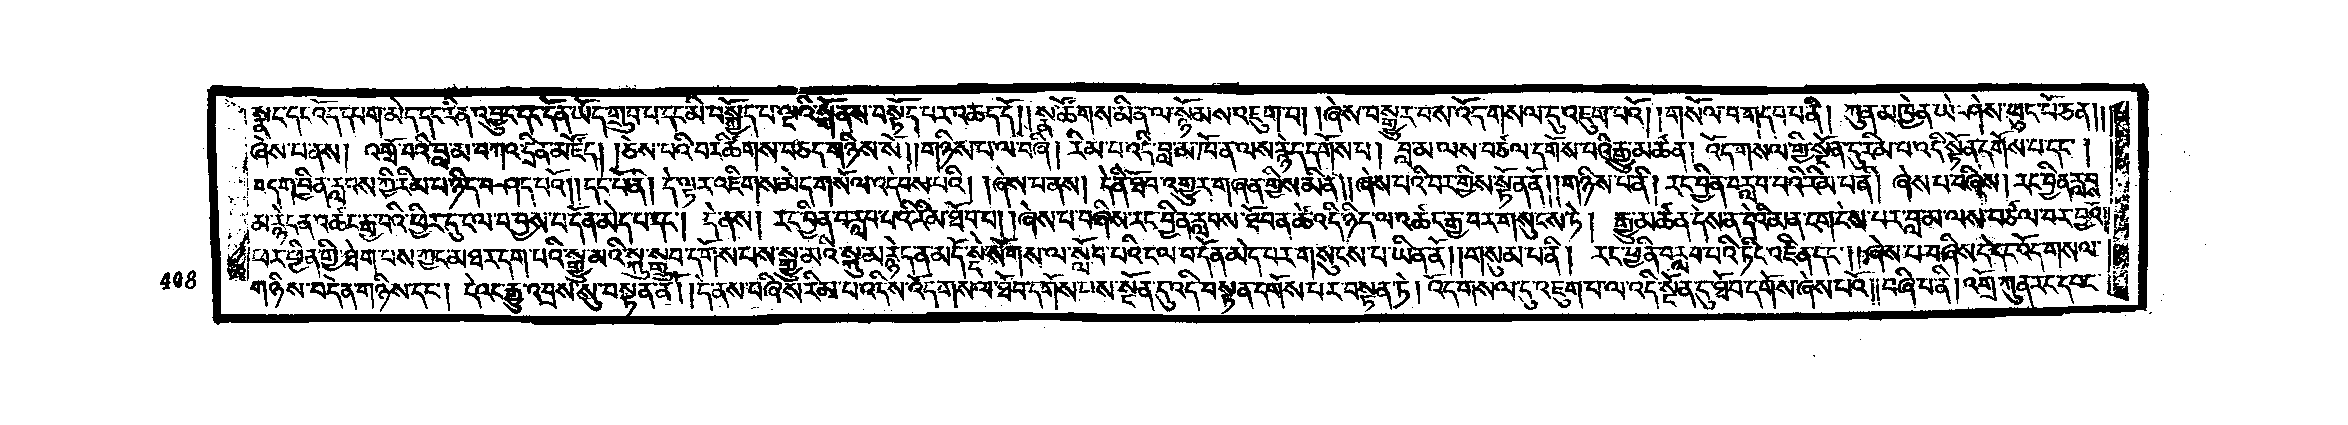སྣང་དང་འོད་དཔག་མེད་དང་རིན་འབྱུང་དང་དོན་ཡོད་གྲུབ་པ་དང་མི་བསྐྱོད་པ་ལྔའི་སྒོ་ནས་བསྟོད་པར་འཆད་དོ། །སྣ་ཚོགས་མིན་ལ་སྙོམས་འཇུག་པ། །ཞེས་བསྒྱུར་བས་འོད་གསལ་དུ་འཇུག་པའོ། །གསོལ་བ་གདབ་པ་ནི། ཀུན་མཁྱེན་ཡེ་ཤེས་ཕུང་པོ་ཅན། །
ཞེས་པ་ནས། འགྲོ་བའི་བླ་མ་བཀའ་དྲིན་མཛོད། །ཅེས་པའི་བར་ཚིགས་བཅད་གཉིས་སོ། །གཉིས་པ་ལ་བཞི། རིམ་པ་འདི་བླ་མ་ཁོ་ན་ལས་རྙེད་དགོས་པ། བླ་མ་ལས་བཙལ་དགོས་པའི་རྒྱུ་མཚན། འོད་གསལ་གྱི་སྔོན་དུ་རིམ་པ་འདི་སྟོན་དགོས་པ་དང་།
བདག་བྱིན་རླབས་ཀྱི་རིམ་པ་ཉིད་བཤད་པའོ། །དང་པོ་ནི། དེ་ལྟར་འཇིགས་མེད་གསོལ་འདེབས་པའི། །ཞེས་པ་ནས། དེ་ནི་ཐོབ་འགྱུར་གཞན་གྱིས་མིན། །ཞེས་པའི་བར་གྱིས་སྟོན་ནོ། །གཉིས་པ་ནི། རང་བྱིན་བརླབ་པའི་རིམ་པ་ནི། ཞེས་པ་བཞིས། རང་བྱིན་རླབས་
མ་རྙེད་ན་འཚང་རྒྱ་བའི་ཕྱིར་དུ་ངལ་བ་བྱས་པ་དོན་མེད་པ་དང་། དེ་ནས། རང་བྱིན་བརླབ་པའི་རིམ་ཐོབ་པ། །ཞེས་པ་བཞིས་རང་བྱིན་རླབས་ཐོབ་ན་ཚེ་འདི་ཉིད་ལ་འཚང་རྒྱ་བར་གསུངས་ཏེ། རྒྱུ་མཚན་དེས་ན་དེའི་མན་ངག་ངེས་པར་བླ་མ་ལས་བཙལ་བར་བྱའོ།
ཕར་ཕྱིན་གྱི་ཐེག་པས་ཀྱང་མཐར་དག་པའི་སྒྱུ་མའི་སྐུ་སྒྲུབ་དགོས་པས་སྒྱུ་མའི་སྐུ་མ་རྙེད་ན་མདོ་སྡེ་སོགས་ལ་སློབ་པའི་ངལ་བ་དོན་མེད་པར་གསུངས་པ་ཡིན་ནོ། །གསུམ་པ་ནི། རང་བྱིན་བརླབ་པའི་ཏིང་འཛིན་དང་། །ཞེས་པ་བཞིས་དེ་དང་འོད་གསལ་
གཉིས་བདེན་གཉིས་དང་། དེའང་རྒྱུ་འབྲས་སུ་བསྟན་ནོ། །དེ་ནས་བཞིས་རིམ་པ་འདིས་འོད་གསལ་ཐོབ་དགོས་པས་སྔོན་དུ་འདི་བསྟན་དགོས་པར་བསྟན་ཏེ། འོད་གསལ་དུ་འཇུག་པ་ལ་འདི་སྔོན་དུ་ཐོབ་དགོས་ཞེས་པའོ། །བཞི་པ་ནི། འགྲོ་ཀུན་རང་དབང་